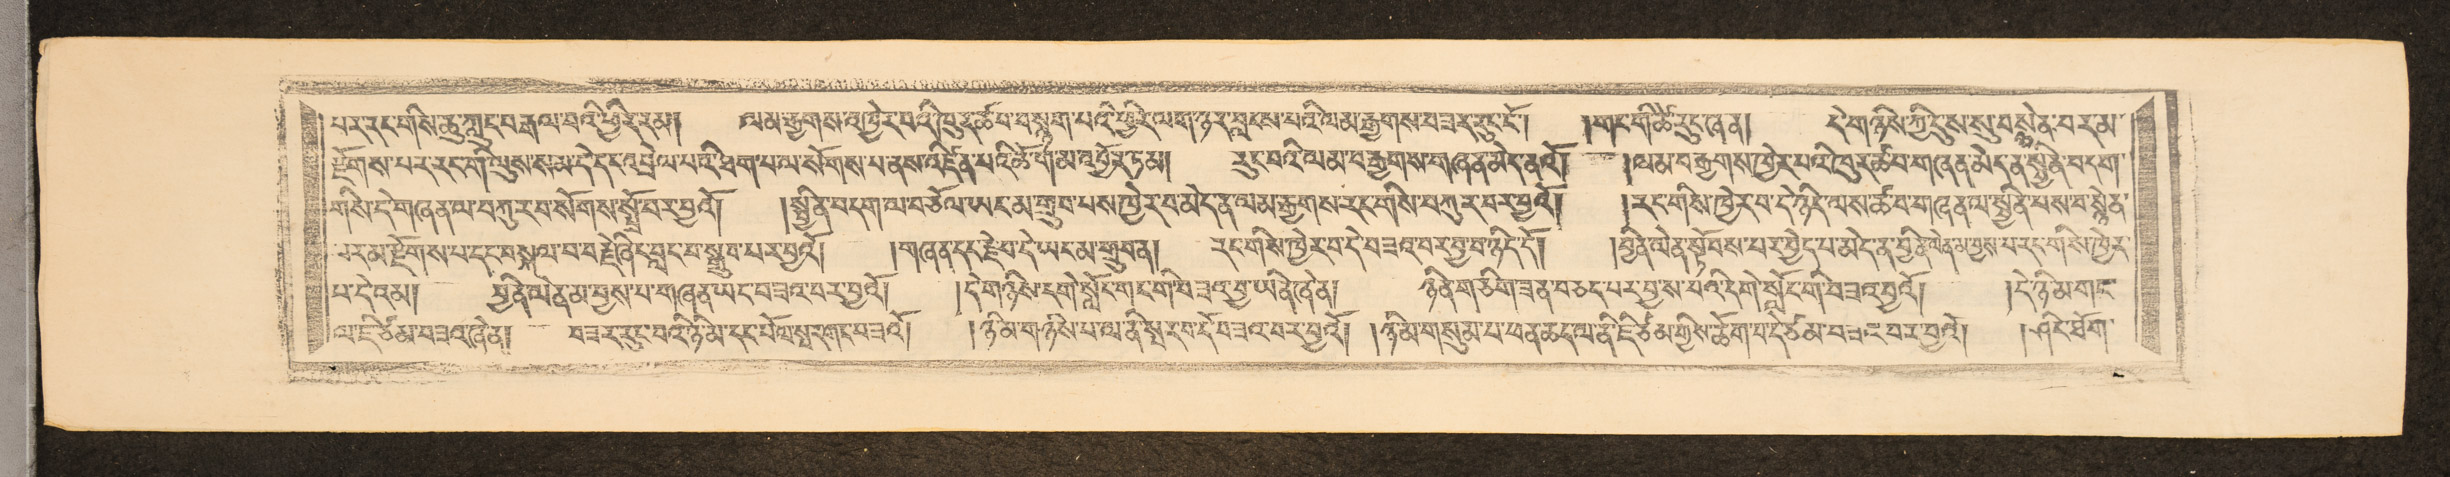པར་རང་གིས་ཆུ་ཀླུང་བརྒལ་བའི་ཕྱིར་རམ། ལམ་རྒྱགས་འཁྱེར་བའི་ཁུར་ཚ་བ་བསྙག་པའི་ཕྱིར་ལག་ཉར་བླངས་པའི་ལམ་རྒྱགས་བཟང་རུང་ངོ། །གང་གི་ཚེ་རུང་ཞེ་ན། དེ་གཉིས་ཀྱི་དུས་སུ་བསྙེན་པར་མ་
རྫོགས་པར་རང་གི་ལུས་སམ་དེ་དང་འབྲེལ་བའི་ཐག་པ་ལ་སོགས་པ་ནས་འཛིན་པའི་ཆོ་ག་མ་འབྱོར་ཏམ། རུང་བའི་ལམ་བརྒྱགས་གཞན་མེད་ནའོ། །ལམ་བརྒྱགས་ཁྱེར་བའི་ཁུར་ཚབ་གཞན་མེད་ན་སྦྱིན་བདག་
གིས་དེ་གཞན་ལ་བཀུར་བ་སོགས་སྤྲོ་བར་བྱའོ། །སྦྱིན་བདག་ལ་བཅོལ་ཡང་མ་གྲུབ་པས་ཁྱེར་བ་མེད་ན་ལམ་རྒྱགས་རང་གིས་བཀུར་བར་བྱའོ། །རང་གིས་ཁྱེར་བ་དེ་ཉིད་ལས་ཚབ་གཞན་ལ་སྦྱིན་པས་བསྙེན་
པར་མ་རྫོགས་པ་དང་བསྐལ་པ་བརྗེ་ཞིང་བླང་བ་སྒྲུབ་པར་བྱའོ། །གཞན་དང་རྗེ་བ་དེ་ཡང་མ་གྲུབ་ན། རང་གིས་ཁྱེར་བ་དེ་བཟའ་བར་བྱ་བ་ཉིད་དོ། །བྱིན་ལེན་སྟོབས་པར་བྱེད་པ་མེད་ན་བྱིན་ལེན་མ་བྱས་པ་རང་གིས་ཁྱེར་
བ་དེའམ། བྱིན་ལེན་མ་བྱས་པ་གཞན་ཡང་བཟའ་བར་བྱའོ། །དེ་གཉིས་དགེ་སློང་གང་གི་བཟའ་བྱ་ཡིན་ཞེ་ན། ཉིན་གཅིག་ཟན་བཅད་པར་བྱས་པའི་དགེ་སློང་གི་བཟའ་བྱའོ། །དེ་ཉི་མ་གང་
ལ་ཇི་ཙམ་བཟའ་ཞེ་ན། བཟར་རུང་པའི་ཉི་མ་དང་པོ་ལ་སྦར་གང་བཟའོ། །ཉི་མ་གཉིས་པ་ལ་ནི་སྤར་བ་དོ་བཟའ་བར་བྱའོ། །ཉི་མ་གསུམ་པ་ཕན་ཆད་ལ་ནི་ཇི་ཙམ་གྱིས་ཆོག་པ་དེ་ཙམ་བཟའ་བར་བྱའོ། །ཤིང་ཐོག་